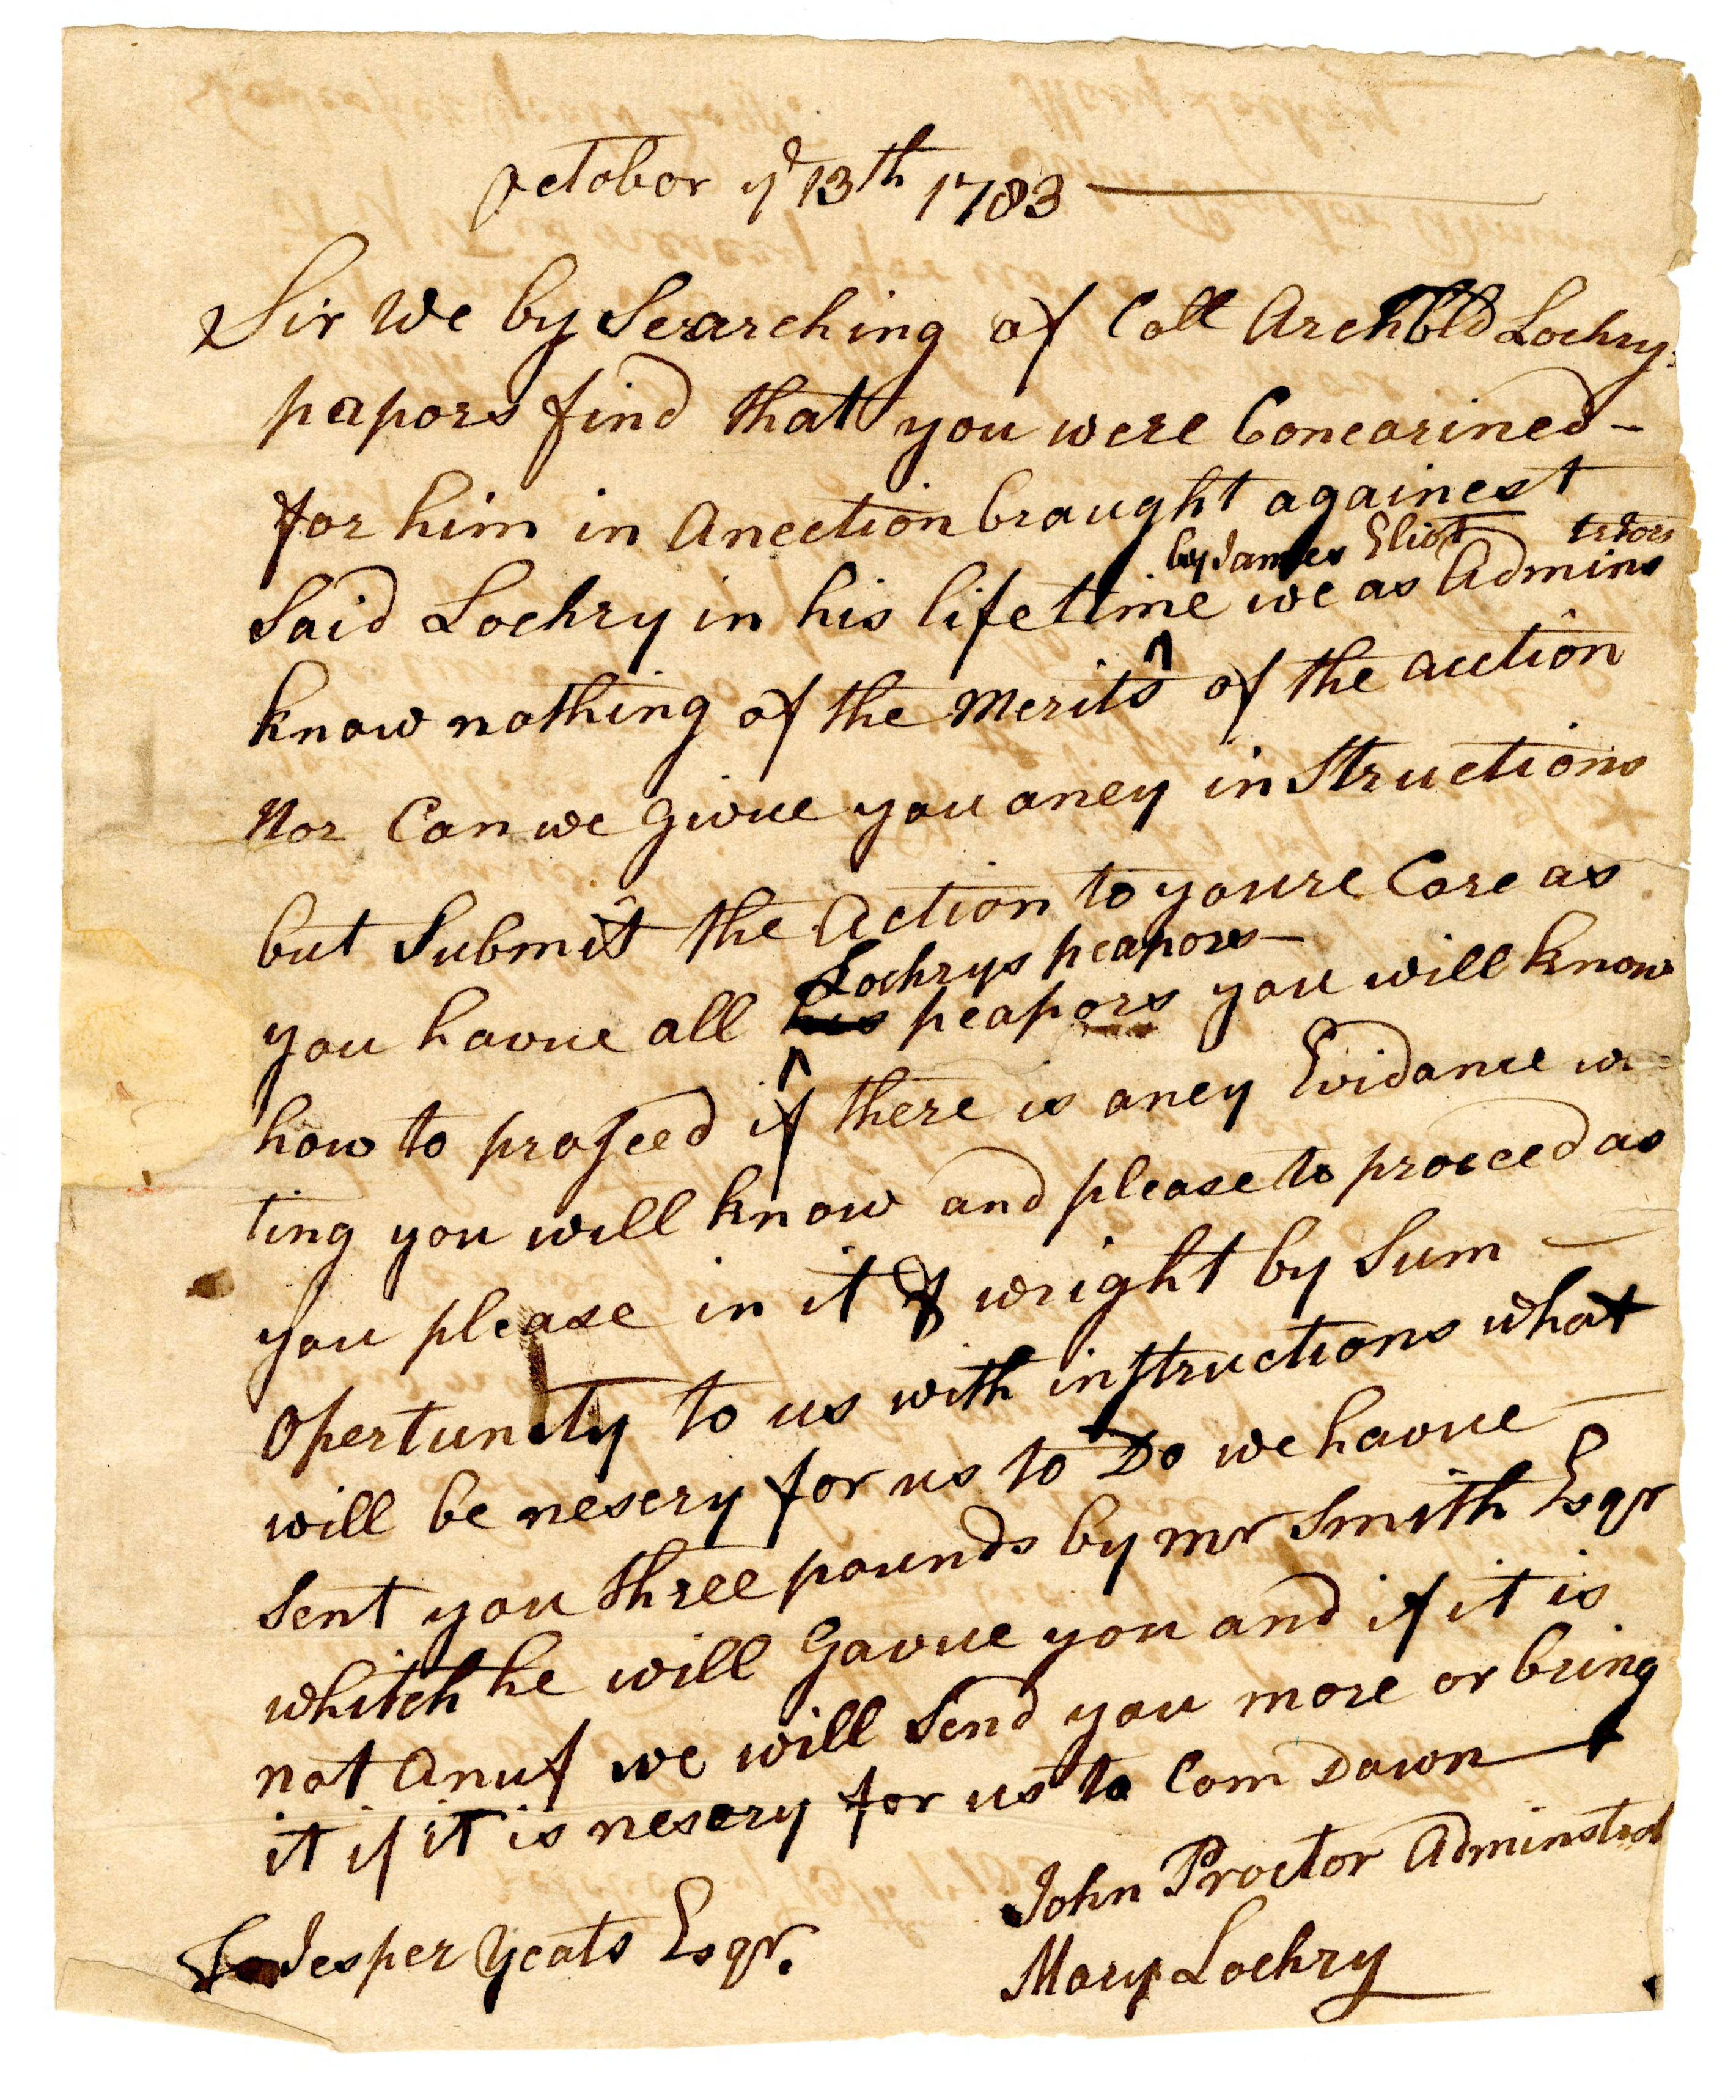October y^e 13^th 1783
Sir
We by Searching of Coll Archbld Lochrys
papors find that you were Concarined
for him in Anection braught againest
by James Eliot tetors
said Lochry in his lifetime we as Admins
know nothing of the merits of the acction
nor Can we givie you aney instructions
but Submit the Action to youre Care as
you havue all his ^ peapors you will know
Lochrys peapors
how to proseed if there is aney Evidance [__]-
-ting you will know and please to proceed as
you please in it & wright by Sum
Opertunity to us with instructions what
will be nesery for us to Do we havue
Sent you three pounds by mr Smith Esqr
whitch he will Gavue you and if it is
not Anuf we will send you more or bring
it if it is nesery for us to Com dawn
John Proctor Adminstror
Mary Lochry
To Jesper Yeats Esqr.